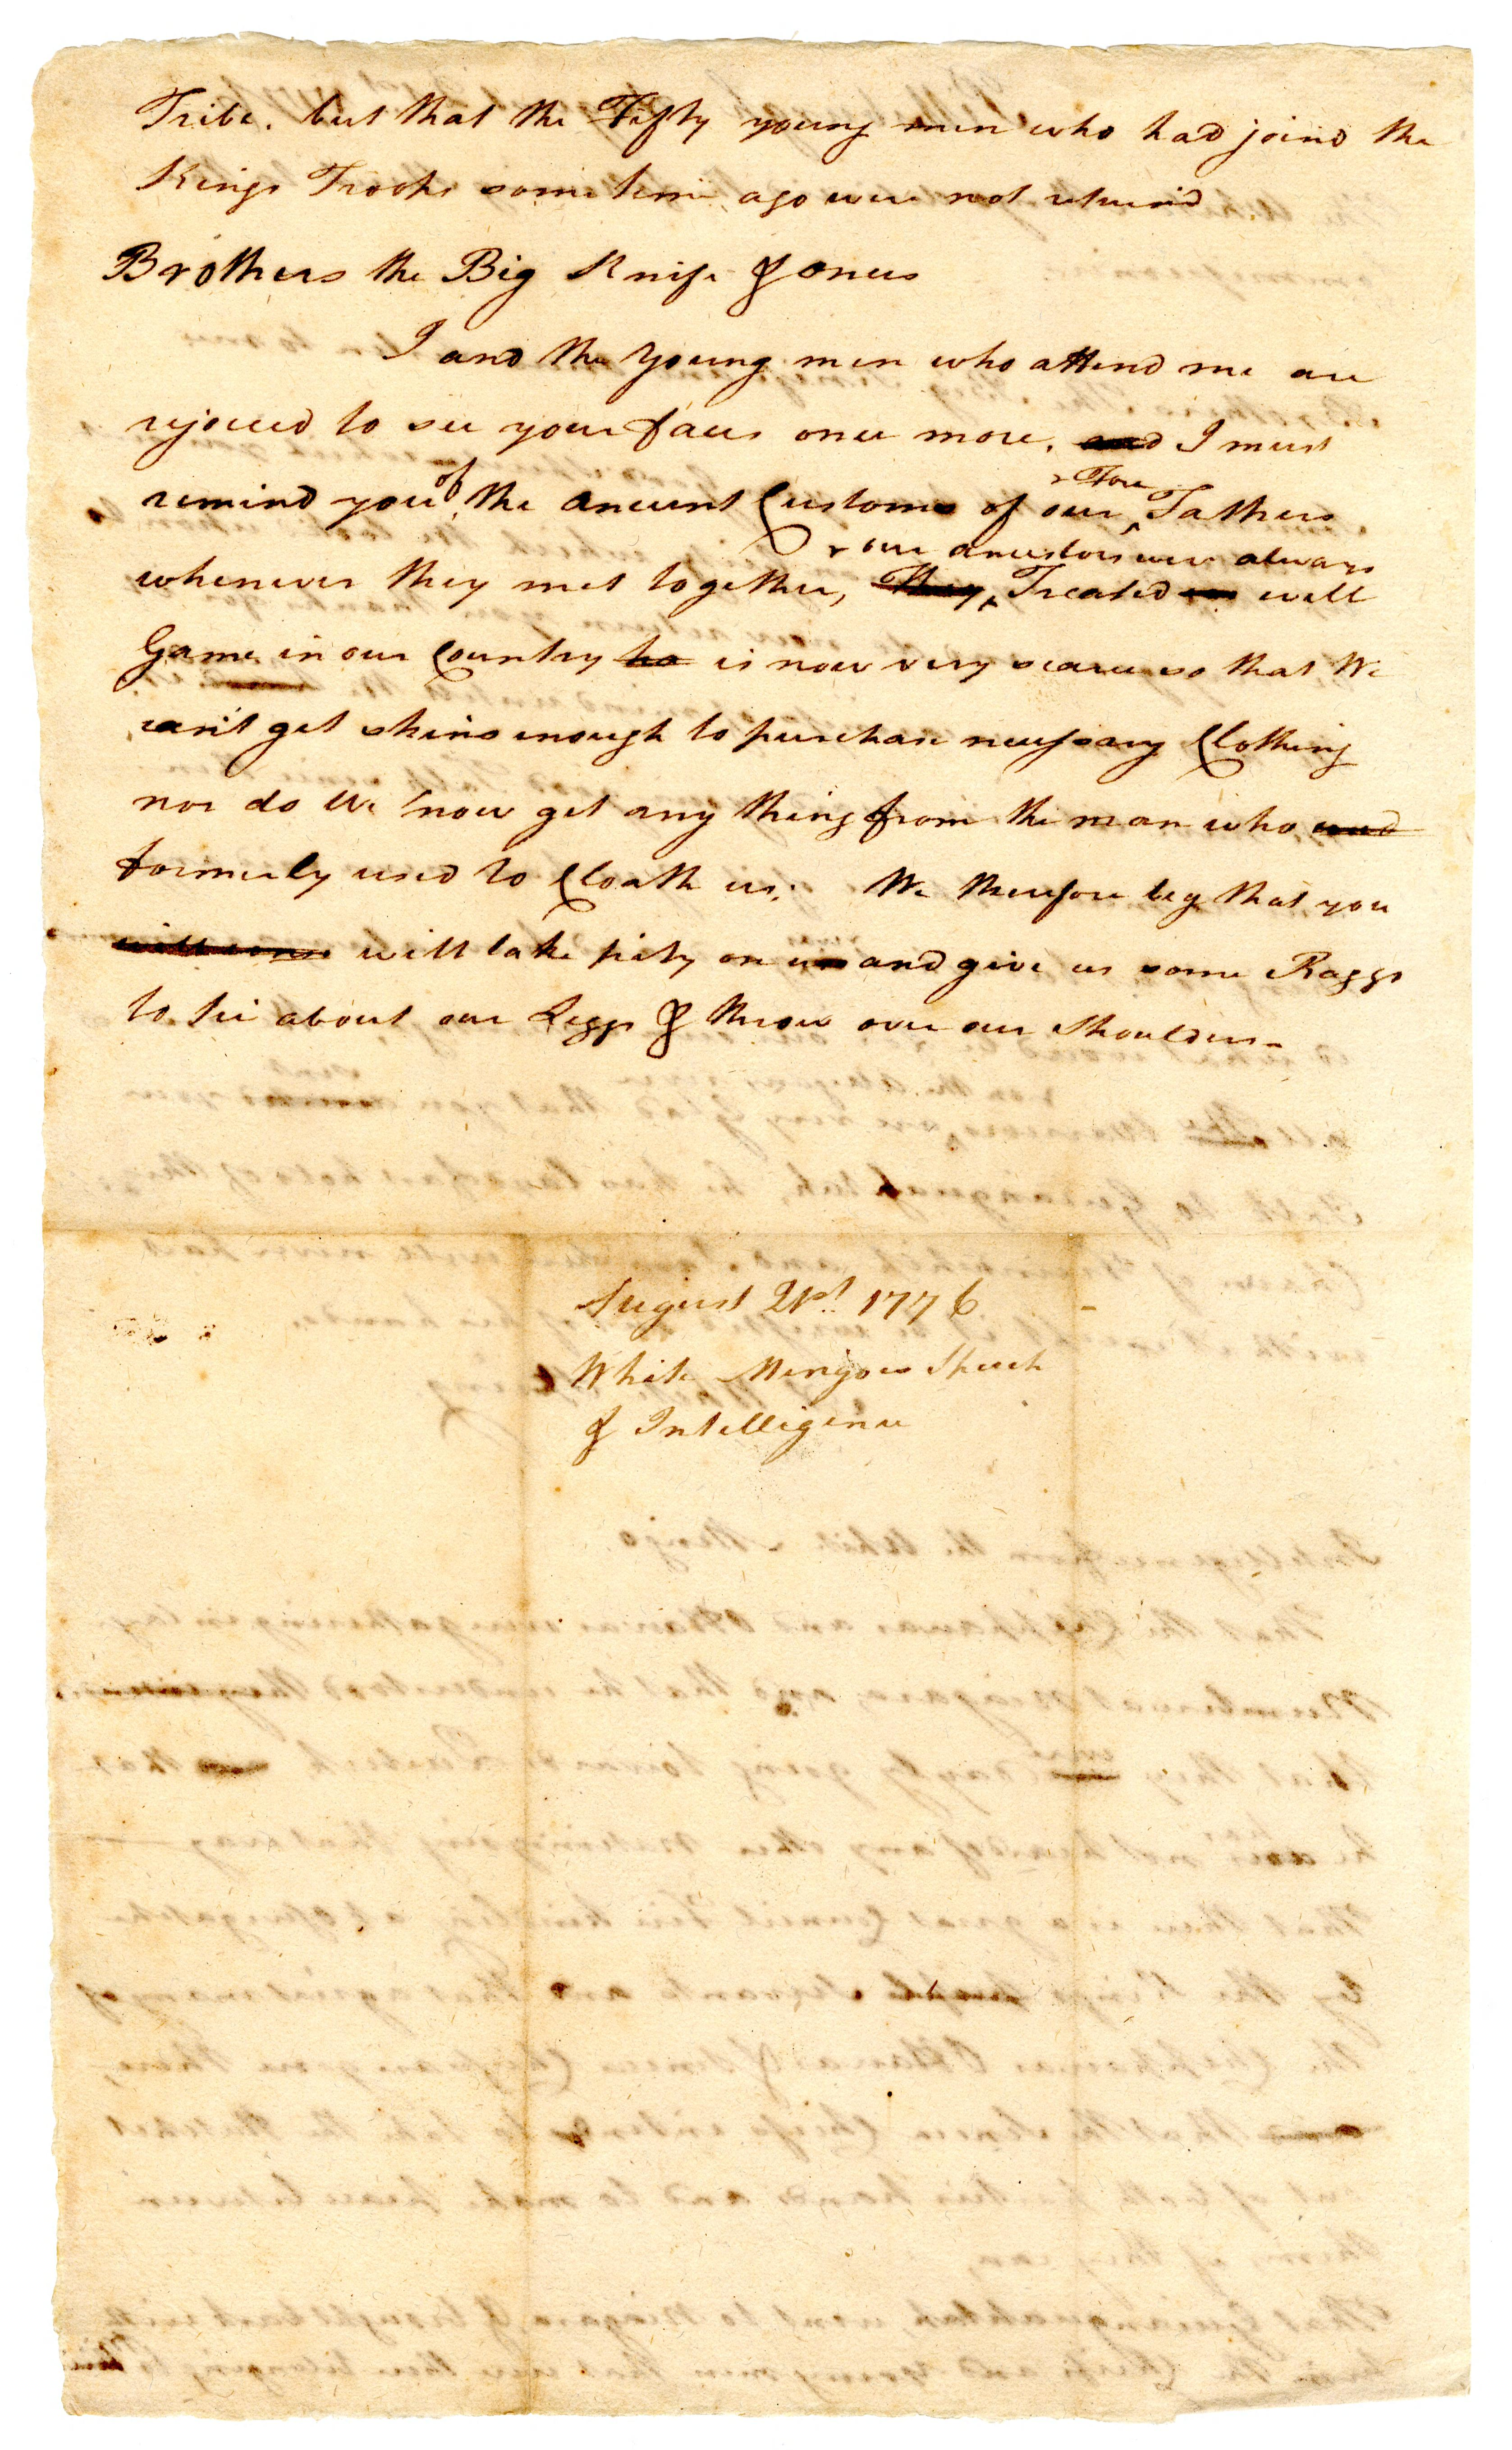Tribe, but that the Fifty young men who had joind the
Kings Troops some time ago were not return'd
Brothers the Big Knife & oners
I and the young men who attend me are
rejoiced to see your faces once more, [and] I must
Fore
remind you ^of the ancient Custom of our ^ Fathers
our ancestors were always
whenever they met together, [they] ^ Treated [__] well
Game in our Country is now very scarce so that We
can't get skins enough to purchase necessary Clothing
nor do We now get any thing from the man who and
Formerly used to Cloath us. We therefore beg that you
[_______] will take pity on us and give us some Raggs
to sit about our Leggs & throw over our Shoulders.
August 21^st. 1776
White Mingoes Speech
& Intelligince